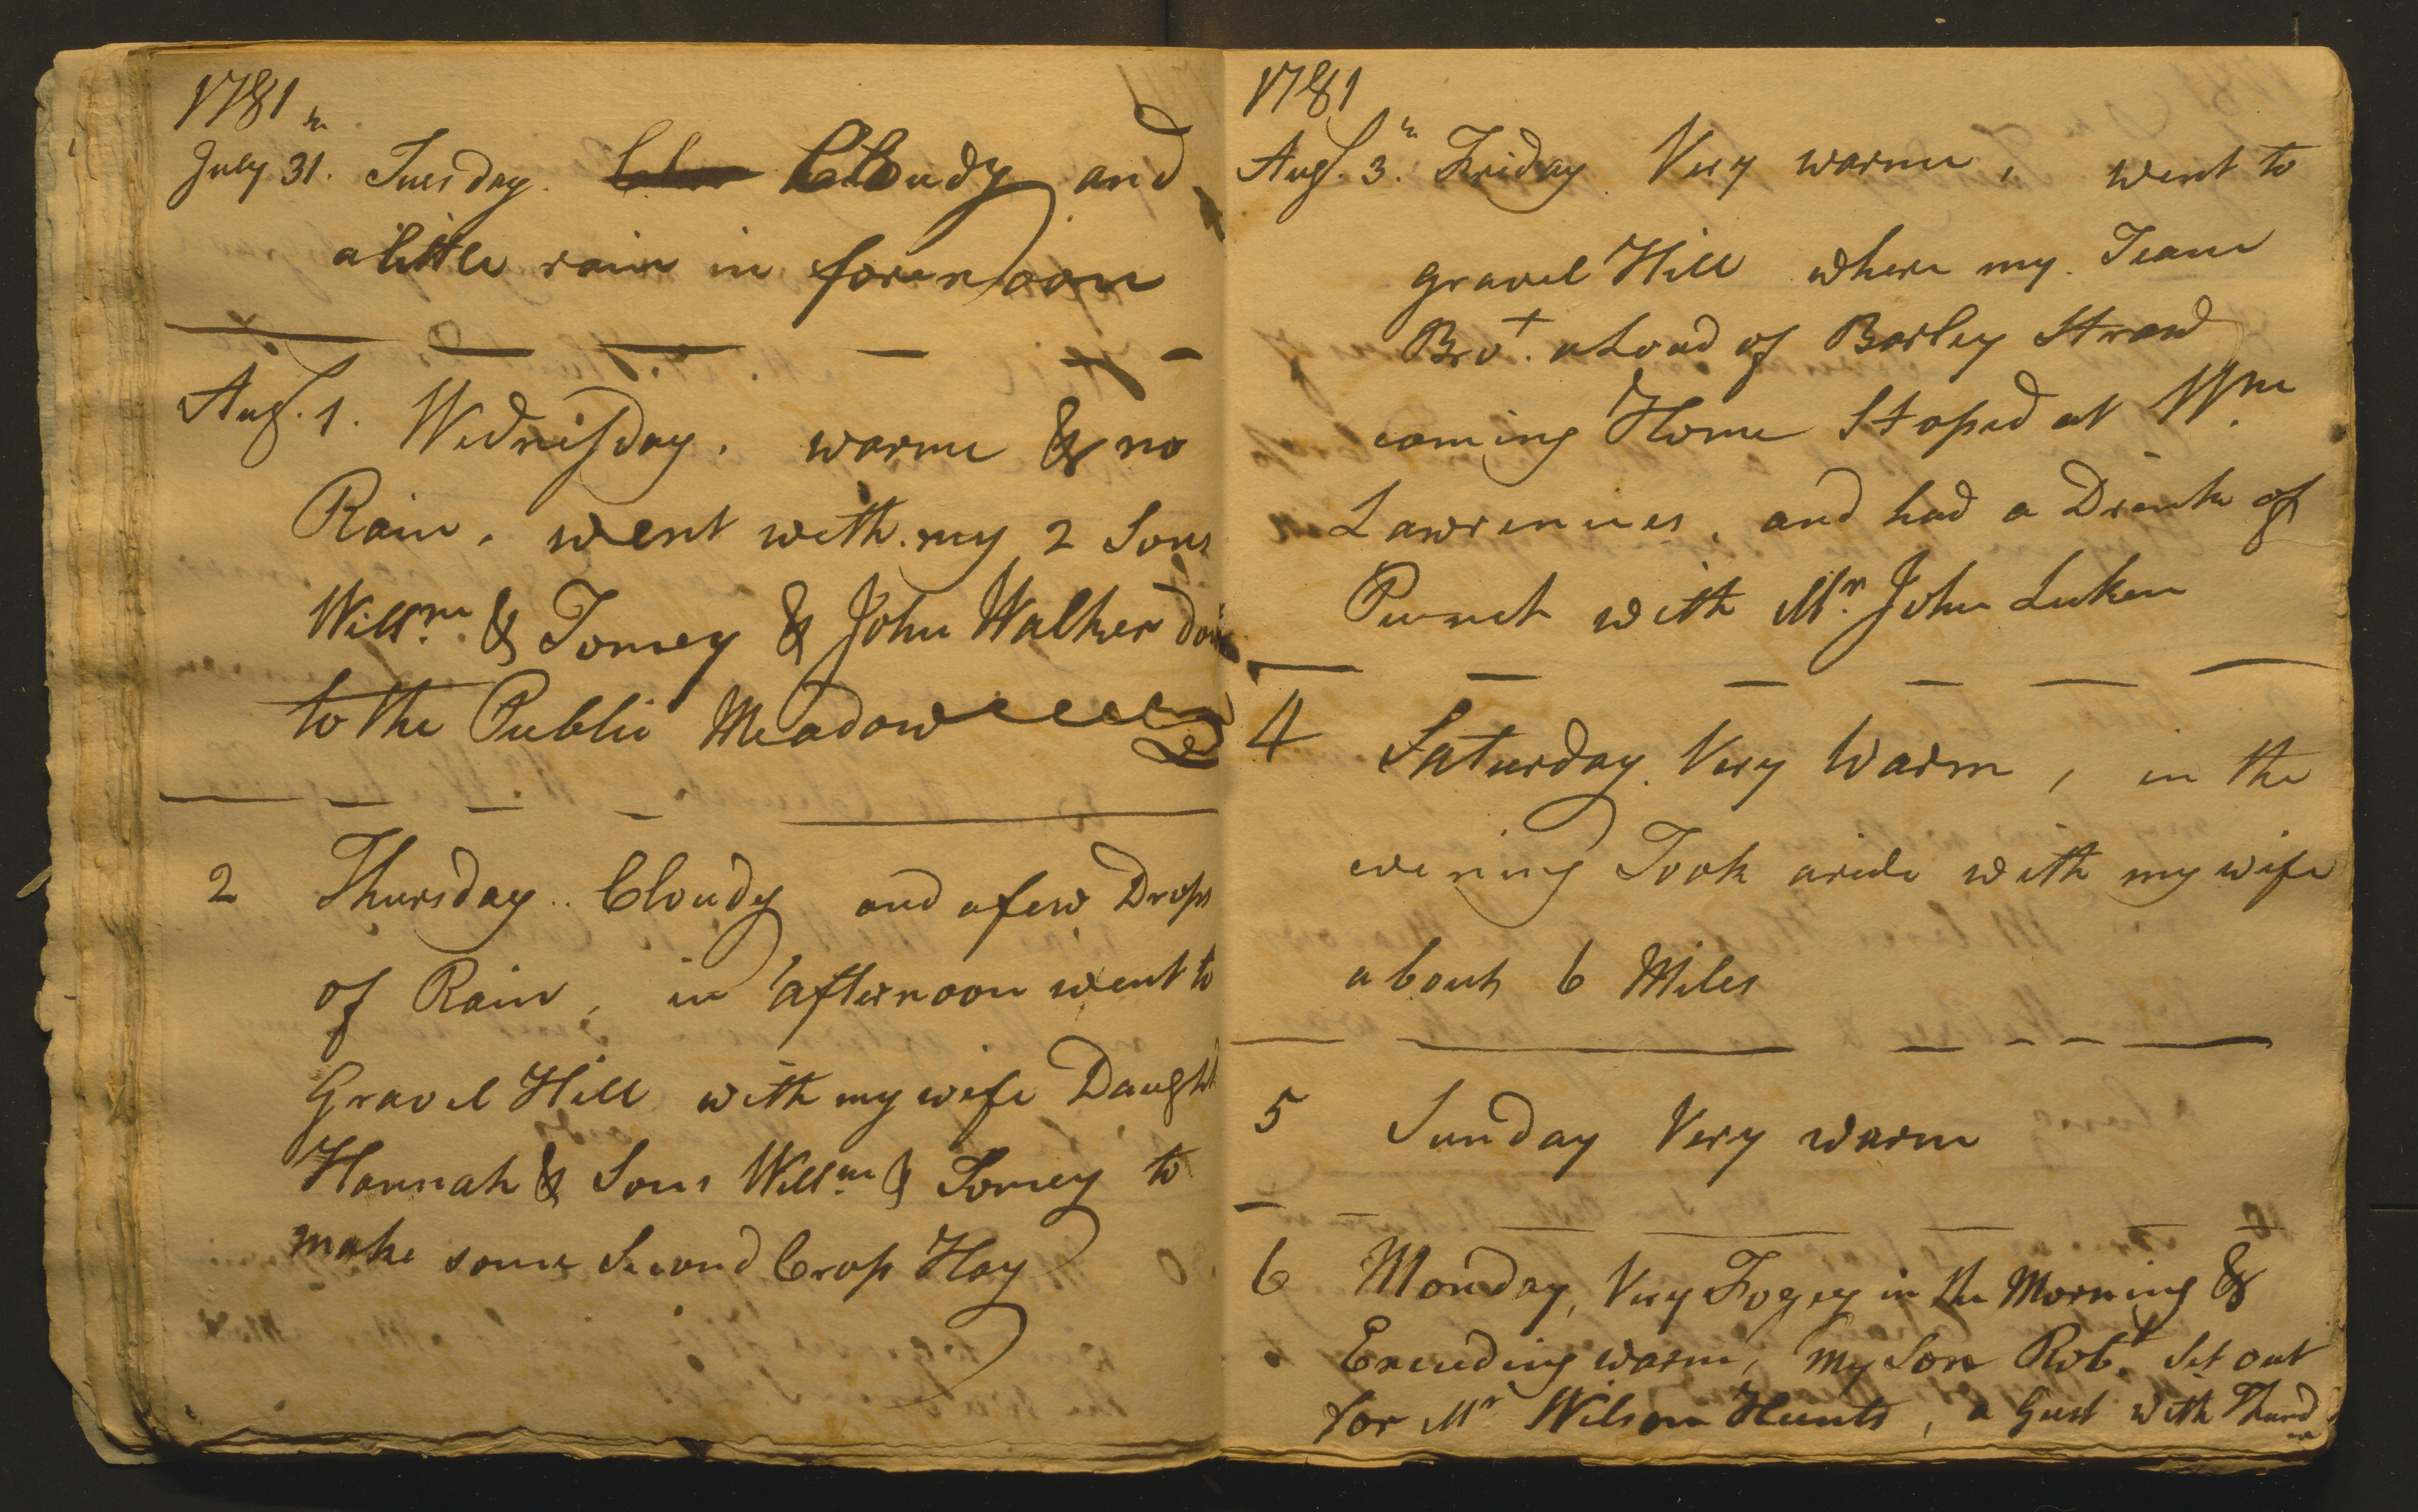1781
July 31^th. Tuesday. [Clear] Cloudy and
alittle rain in forenoon
Aug^t. 1. Wednesday: warme & no
Rain. went with my 2 Sons
Will^m. & Tomey & John Walker down
to the Public Meadow
2 Thursday. Cloudy and a few Drop
of Rain, in afternoon went to
Gravel Hell, with my wife Daught
Hannah & Sons Will^m. & Tomey to
make some second Crop Hay
1781
Aug^t. 3^th. Friday. Very warme, went to
gravel Hill, where my Team
Bro^t a Load of Barley Strand
coming Home Stoped at W^m.
Lawrences, and had a Drink off
Punch with M^r. John Luken
4 Saturday Very Warm, in the
evening Took a ride with my wife
about 6 Miles
5 Sunday Very warm
6 Monday Very Fogey in the Morning &
Exceeding warm, my son Rob^t. set out
for M^r. Wilson Hunts, a Gust with Thund
er